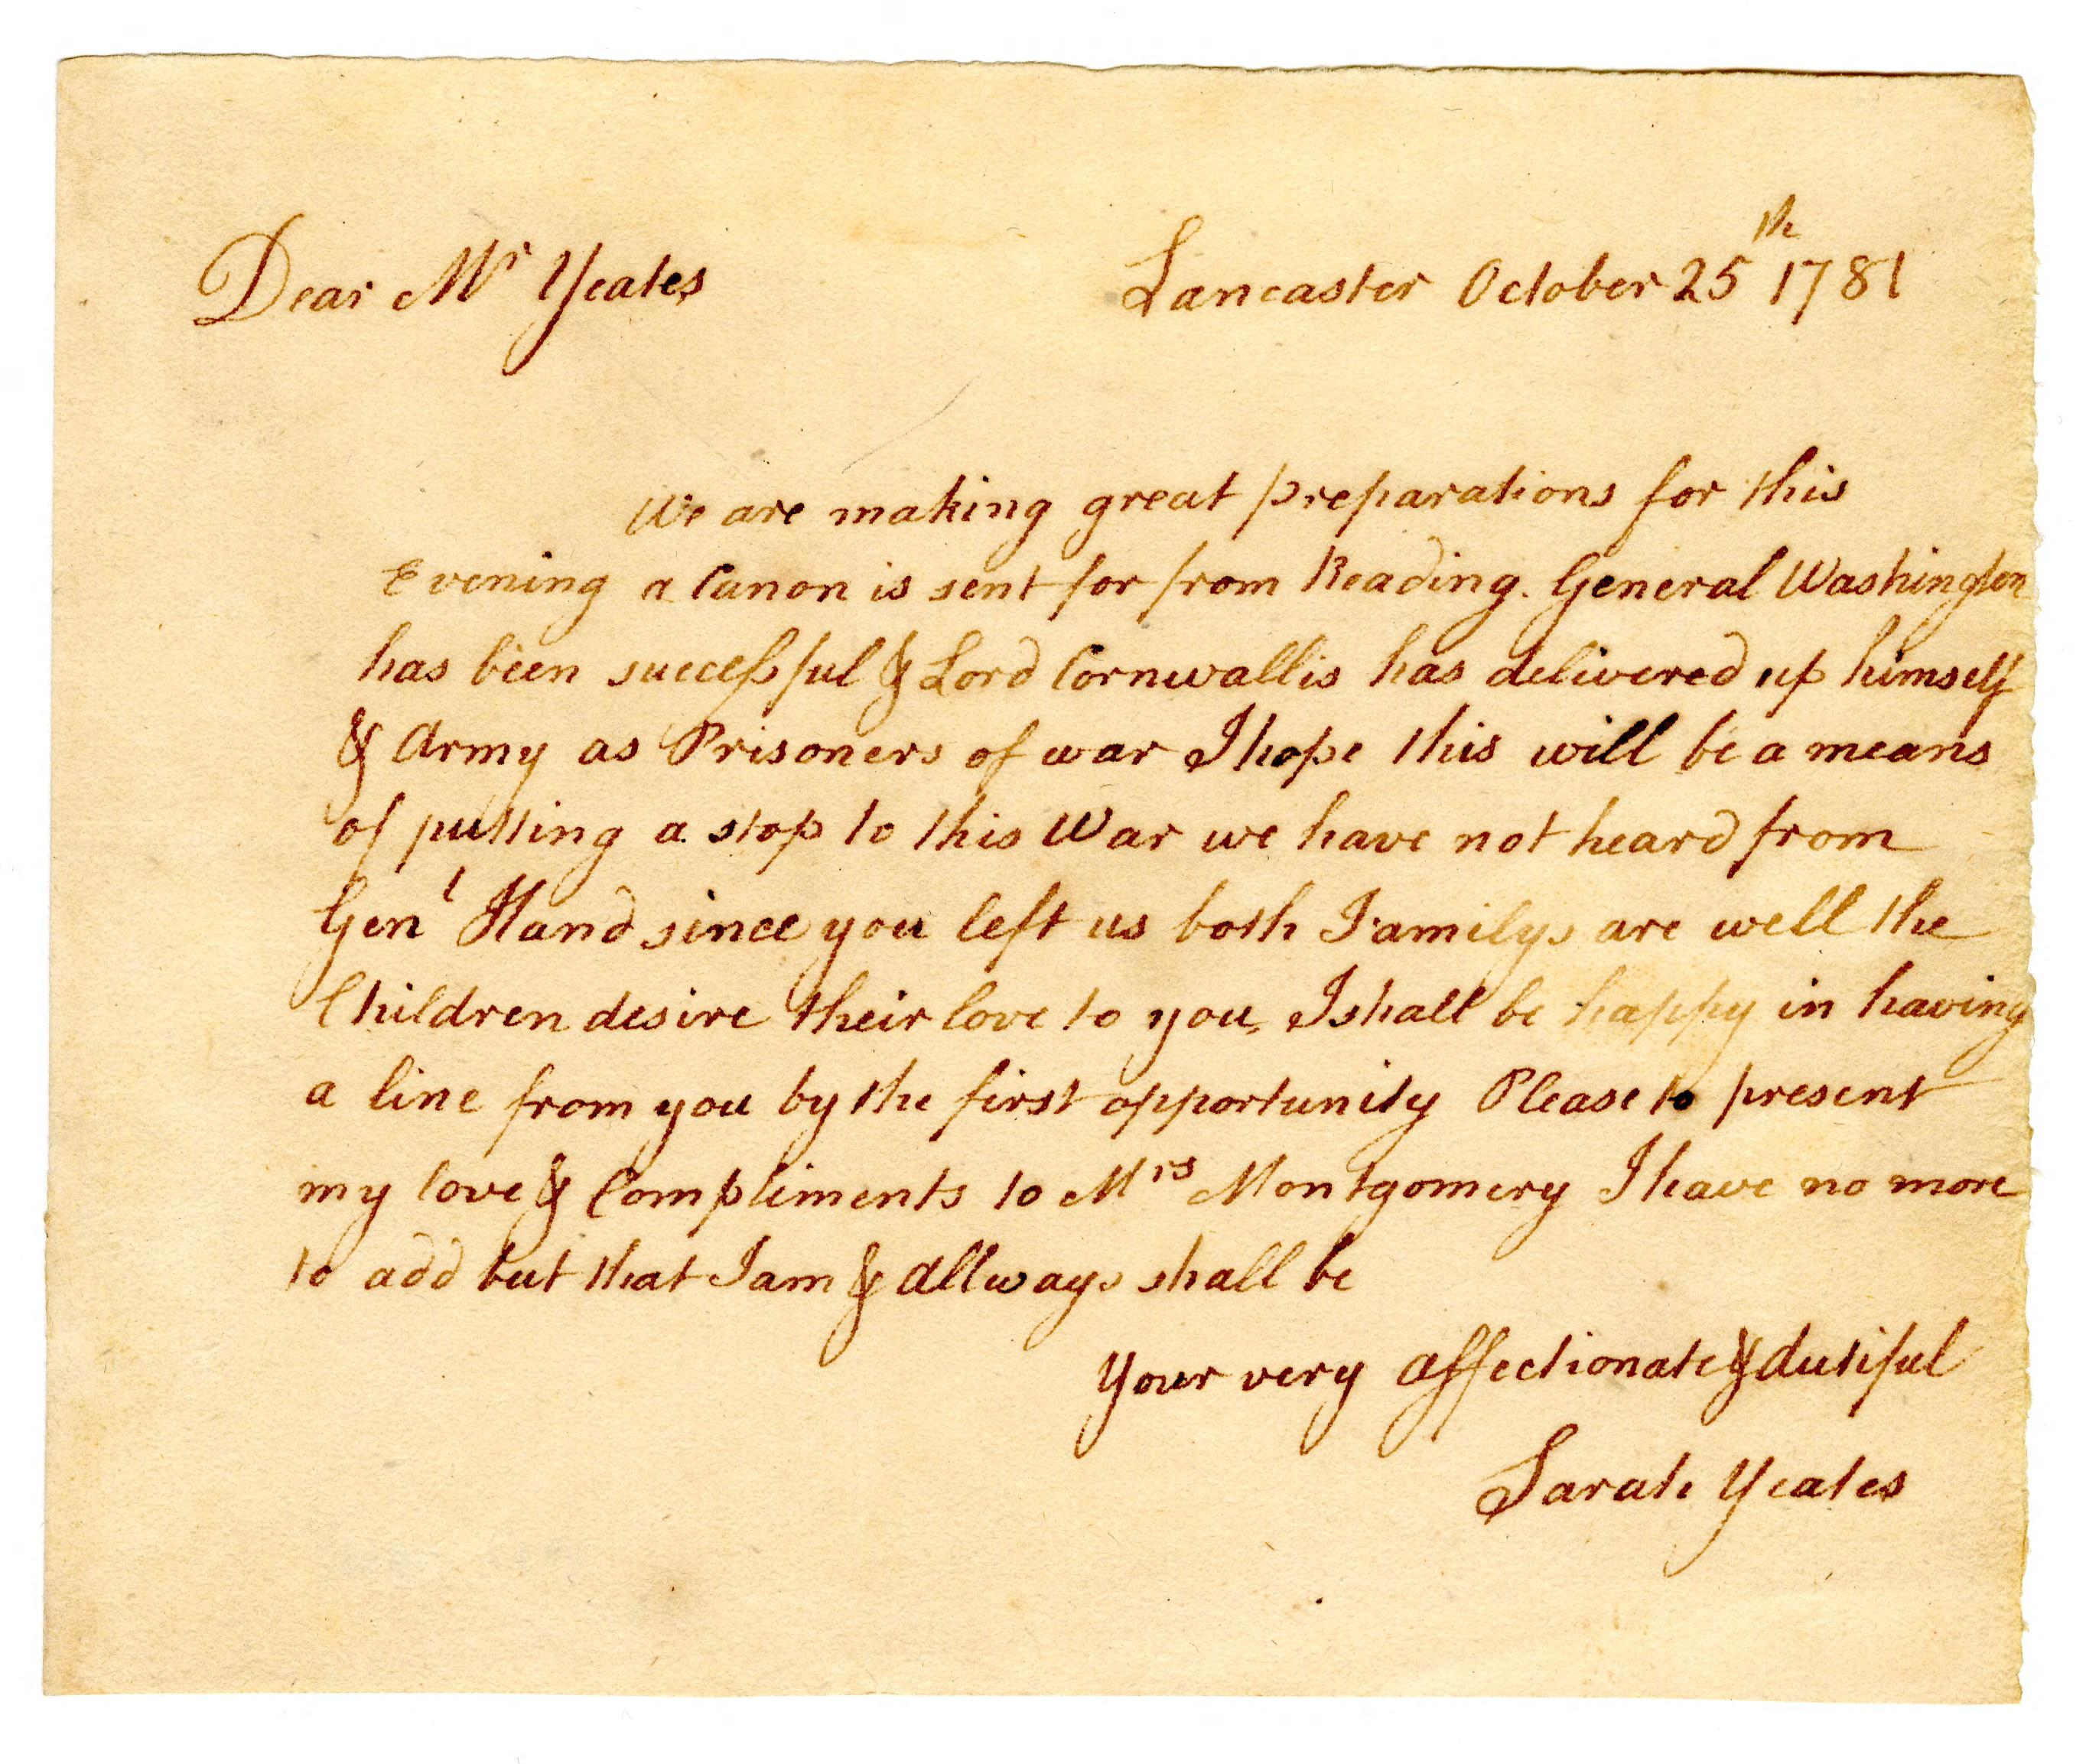Lancaster October 25 1781
Dear M^r Yeates
We are making great preparations for this
Evening a Canon is sent for from Reading. General Washington
has been successful & Lord Cornwallis has delivered up himself
& army as Prisoners of war I hope this will be a means
of putting a stop to this war we have not heard from
Gen Hand since you left us both Familys are well the
Children desire their love to you, I shall be happy in having
a line from you by the first opportunity Please to present
my love & Compliments to M^rs Montgomery I have no more
to add but that I am & allways shall be
Your very affectionate & dutiful
Sarah Yeates